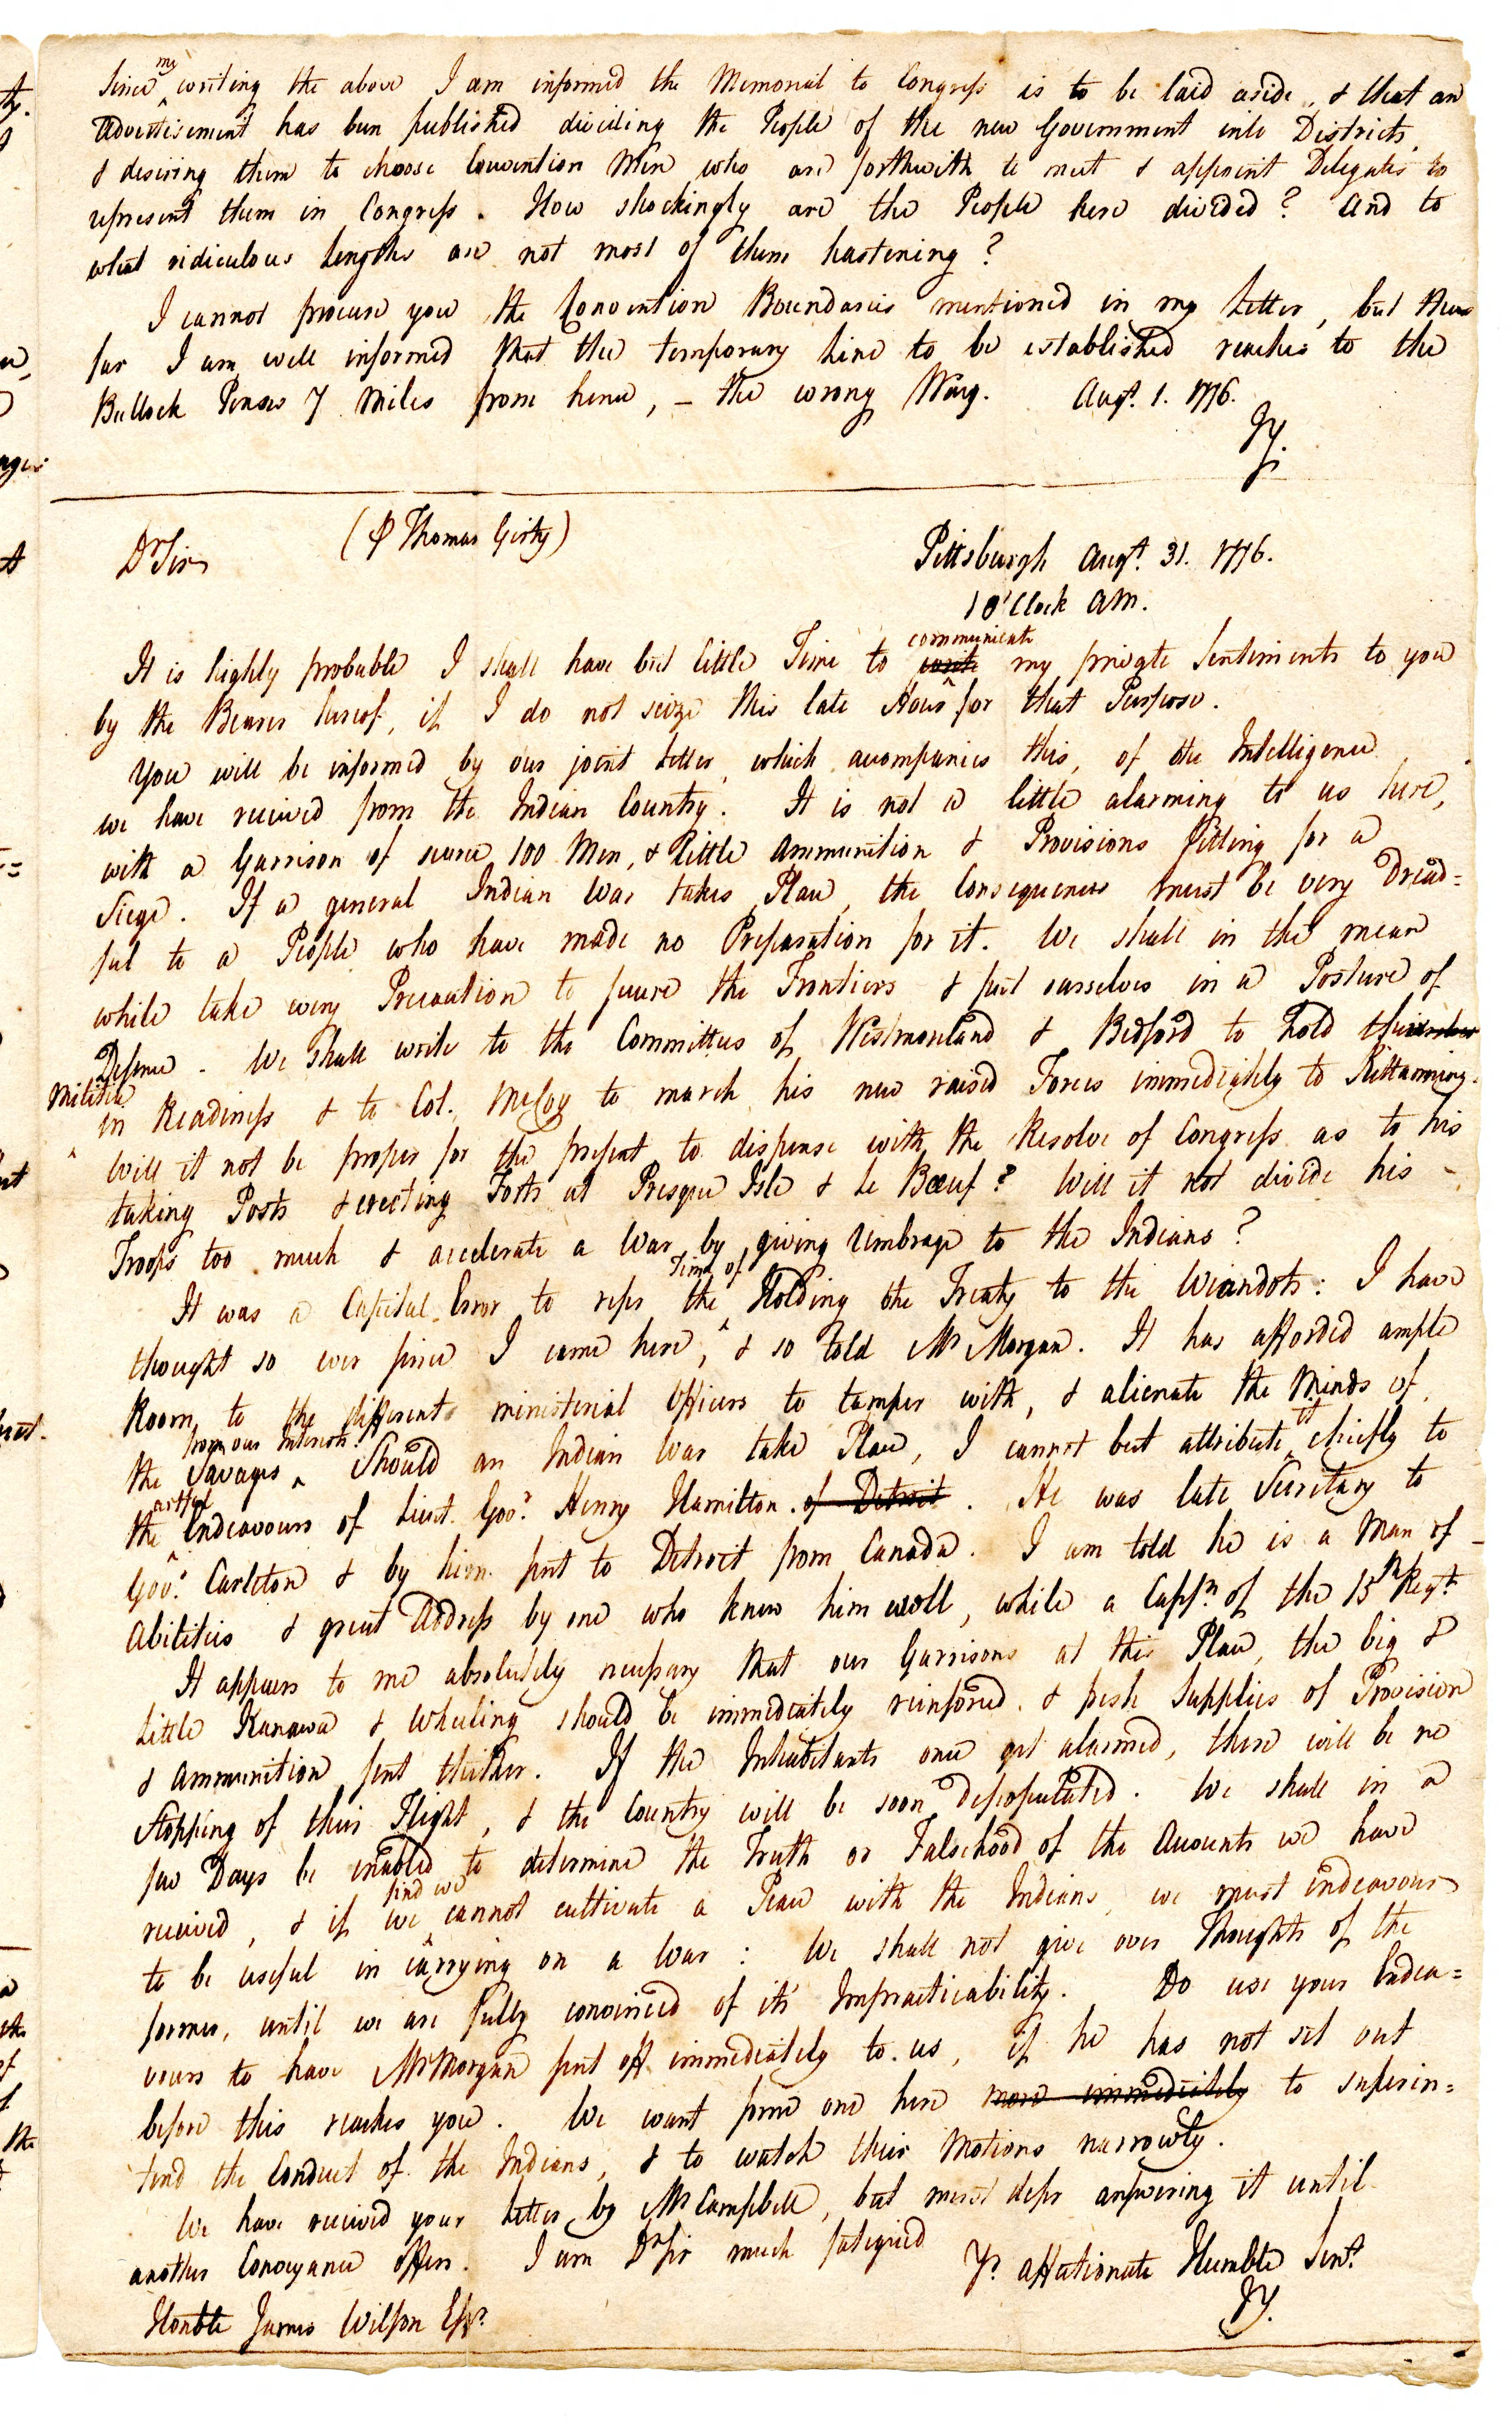Since ^my writing the above I am informed the Memorial to Congress is to be laid aside, & that an
advertisement has been published dividing the People of the new Government into Districts,
& desiring them to choose Convention Men who are forthwith to meet & appoint Delegates to
represent them in Congress. How shockingly are the People here divided? And to
what ridiculous Lengths are not most of them hastening?
I cannot procure you the Convention Boundaries mentioned in my Letter, but there
for I am well informed that the temporary hire to be established reaches to the
Bullock Penses 7 Miles from hence,- the wrong Way.
Aug^t. 1. 1776.
JY.
D^r Sir
(per Thomas Girty)
Pittsburgh Aug^t. 31. 1776.
10'Clock AM.
It is highly probable I shall have but little Time to write ^ my private Sentiments to you
communicate
by the Bearers hereof, if I do not seize this late Hour for that Purpose.
You will be informed by our joint Letter, which accompanies this, of the Intelligence
we have received from the Indian Country. It is not a little alarming to us here,
with a Garrison of near 100 Men, & little ammunition & Provisions Sitting for a
Siege. If a general Indian war takes Place, the Consequences must be very dread-
ful to a People who have made no Preparation for it. We shall in the mean
while take every Precaution to secure the Frontiers & put ourselves in a Posture of
Defence. We shall write to the Committees of Westmoreland & Bedford to hold [____]
Militia.
^ in Readiness & to Col. Meloy to march his new raised Forces immediately to Kittanning.
Will it not be proper for the present to dispense with the Resolve of Congress as to his
taking Posts & erecting Forts at Presque Isle & Le Boeuf? Will it not divide his
Troops too much & accelerate a War by giving Umbrage to the Indians?
It was a Capital Error to refer the ^Time of Holding the Treaty to the Wiandots: I have
thought so ever since I come here, & so told M^r Morgan. It has afforded ample
Room, to the different ministerial Officers to tamper with, & alienate the Minds of
from our Interests.
the Savages ^ Should an Indian War take Place, I cannot but attribute ^it chiefly to
artful
the ^ Endeavours of Lieut. Gov^r. Henry Hamilton. [of Detroit]. He was late Secretary to
Gov^r Carleton & by him sent to Detroit from Canada. I am told he is a man of
abilities & great Address by one who knew him well, while a Capt^n. of the 15^th Reg^t.
It appears to me absolutely necessary that our Garrisons at this Place, the big &
Little Kanawa & Wheeling should be immediately reinforced & fresh Supplies of Provision
& ammunition, sent thither. If the Inhabitants once get alarmed, there will be no
Stopping of this Flight, & the country will be soon depopulated. We shall in a
few Days be enabled to determine the Truth or Falsehood of the Accounts we have
find we
received, & if we ^ cannot cultivate a Peace with the Indians, we must endeavour
to be useful in carrying on a War: We shall not give our Thoughts of the
former, until we are fully convinced of its Impracticability. Do use your Endea-
vours to have M^r Morgan sent off immediately to us, if he has not set out
before this reaches you. We want some one here more immediately to superin-
tend the Conduct of the Indians, & to watch their Motions narrowly.
We have received your Letter, by M^r Campbell, but must defer answering it until
another Conveyance offers. I am D^r Sir much Intrigued
Honble James Wilson Esq^e
Y^r affectionate Humble Ser^t.
JY.